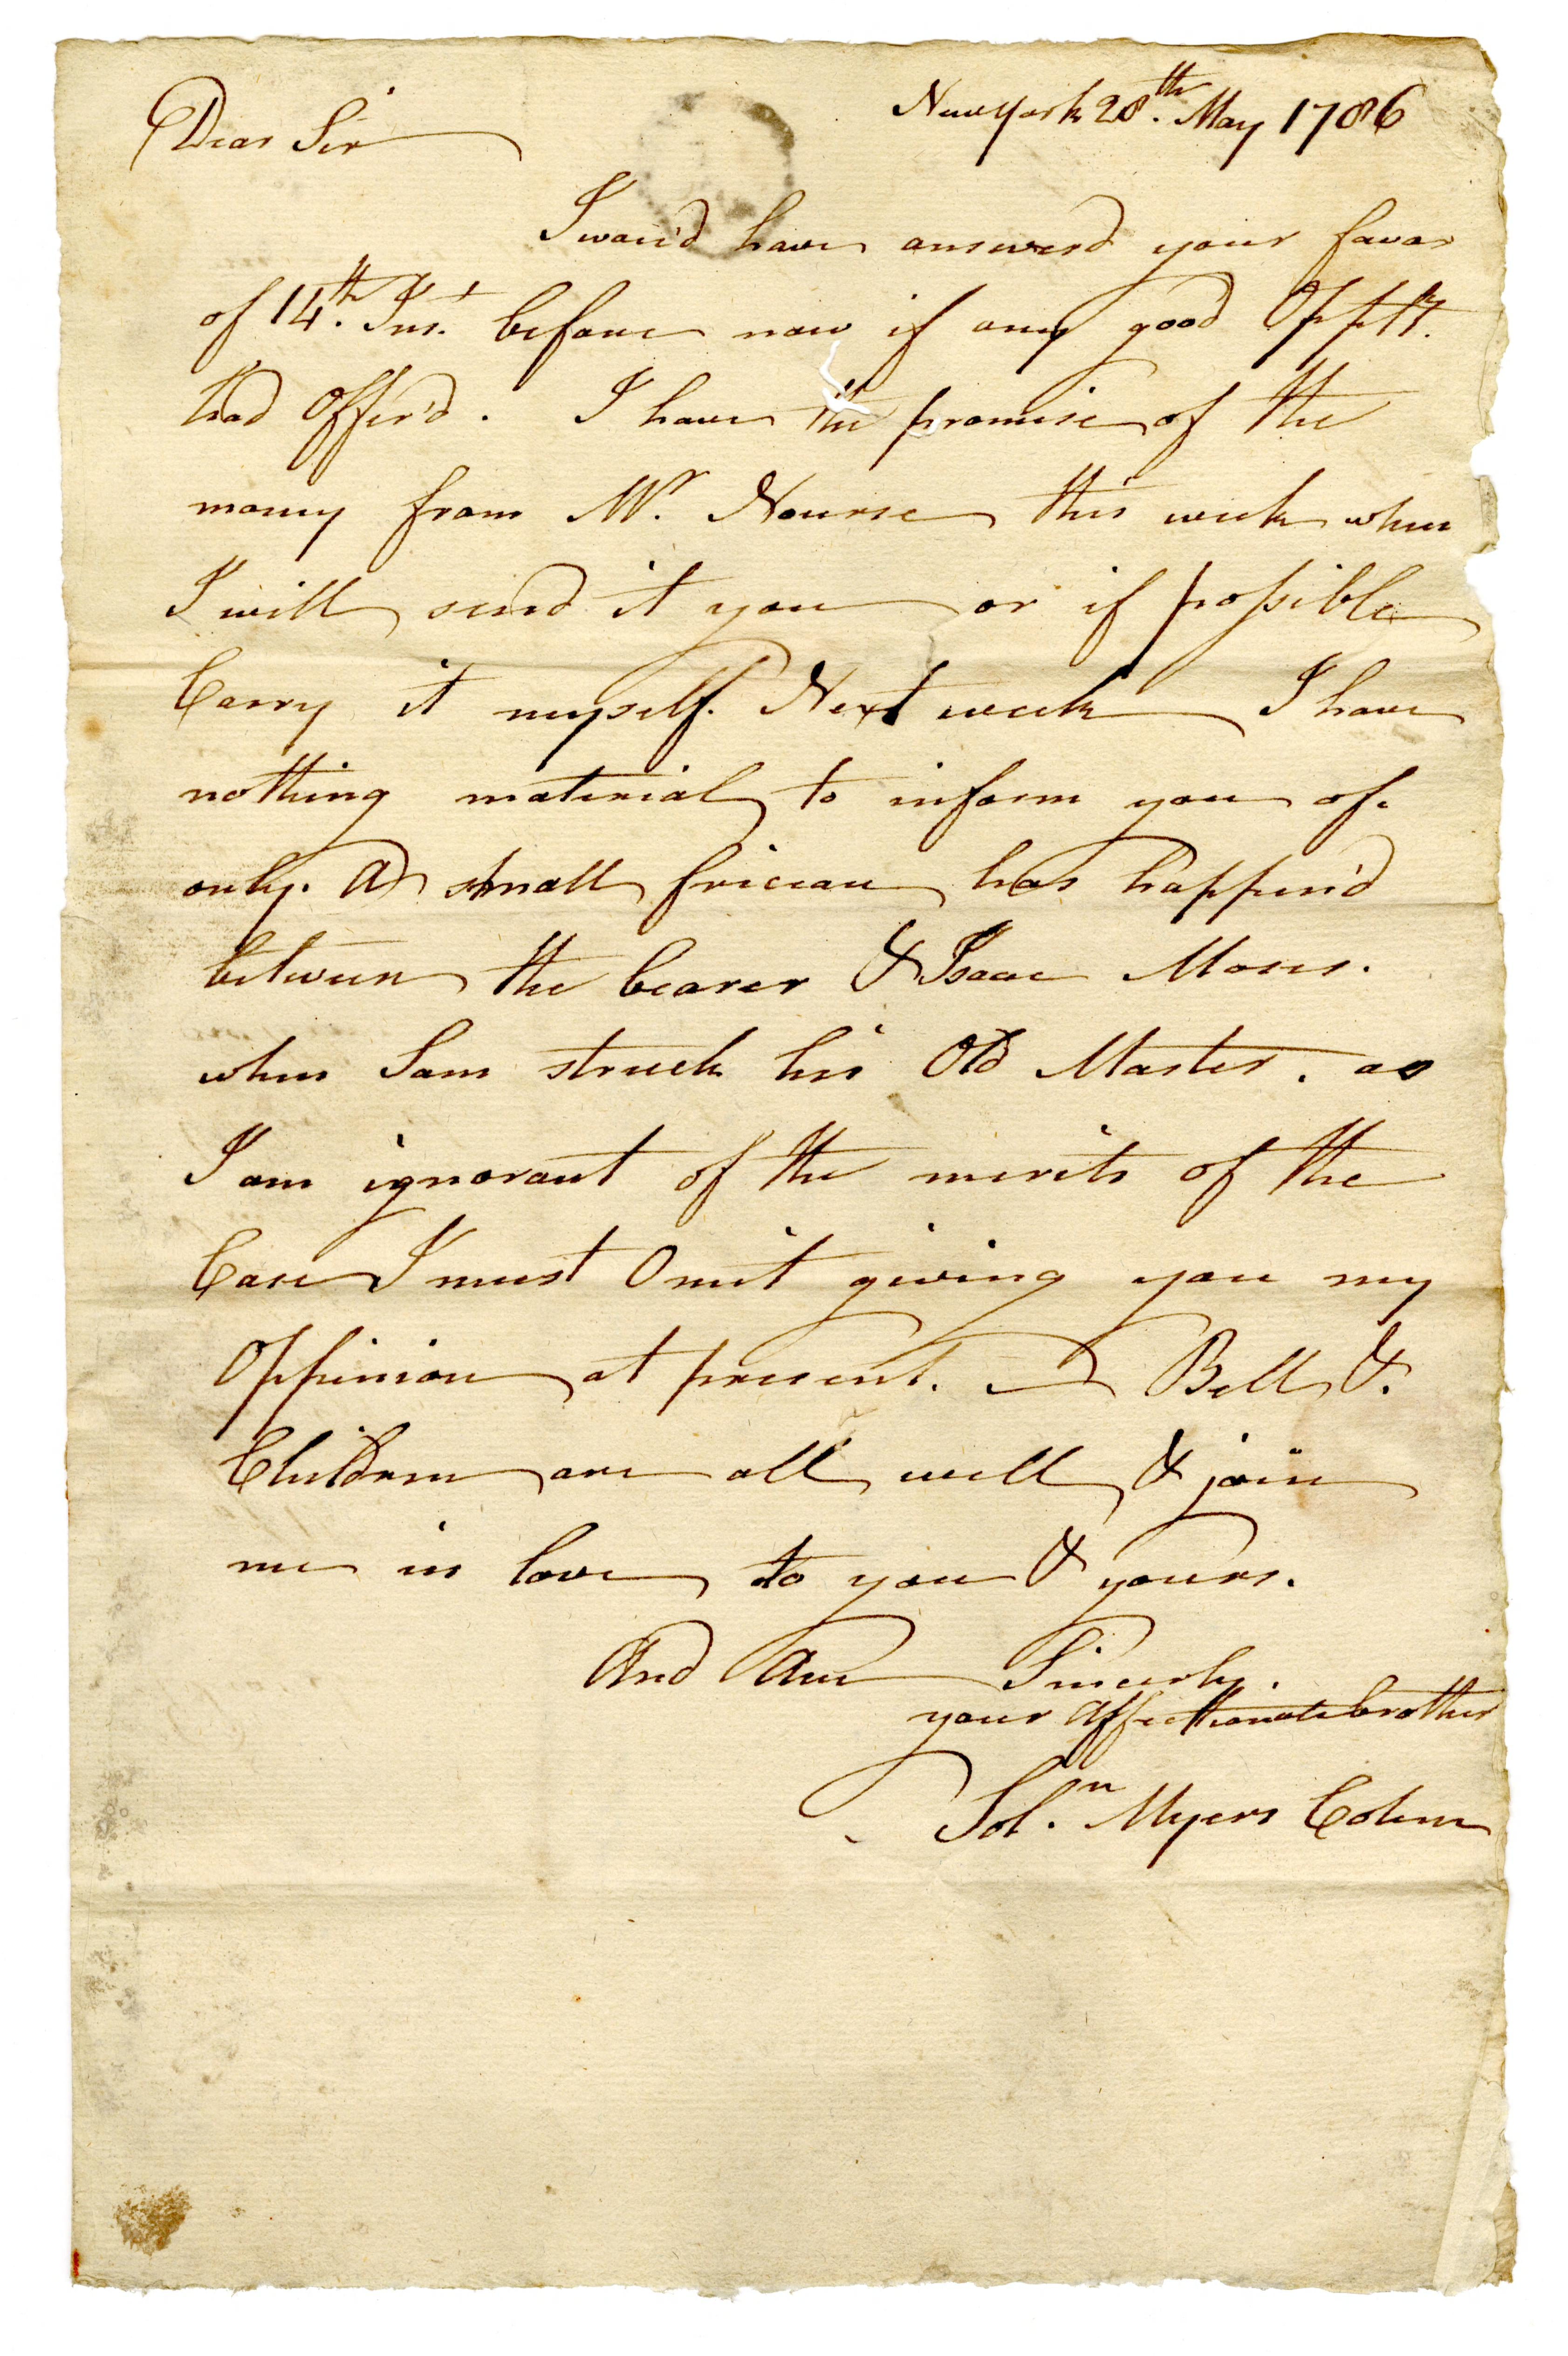New York 20^th May 1786
Dear Sir
I wau'd have answerd your favor
of 14^th. Ins^t. before now if any good Oppt^y
had Offer'd. I have the promise of the
money from M^r. Nourse this week where
I will send it you or if possible
Carry it myself. Next week I have
nothing material to inform you of.
only a small friceau has happen'd
betwen the bearer & Isaac Moses.
when Sams struck his Old Master. as
I am ignorant of the merits of the
Case I must Omit giving you my
Oppinion at present.- Bell &
Children are all well & join
me in love to you & yours.
And Are Sincerly
your Affictionate brother
Sol^n Myers Cohen